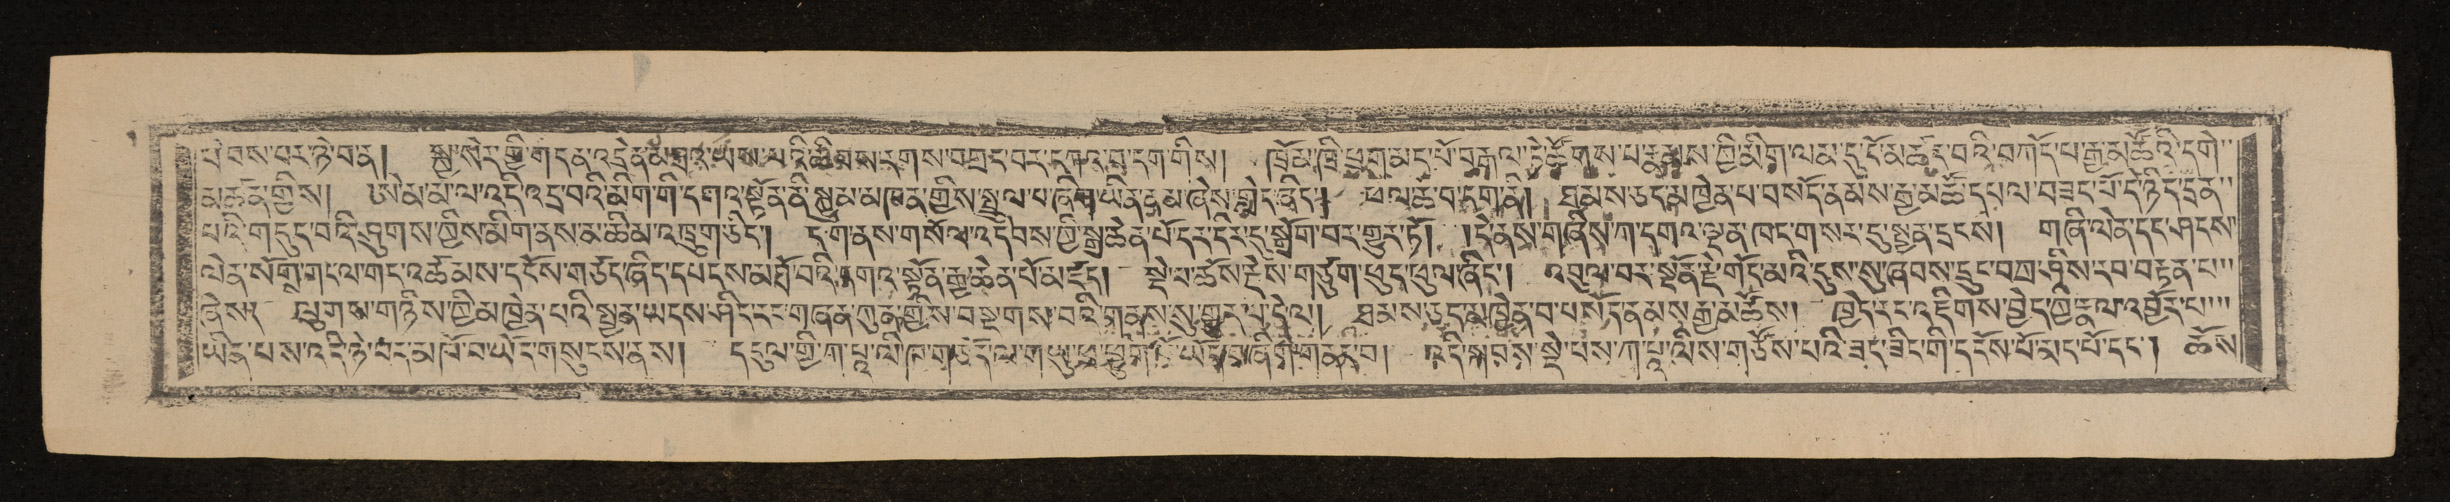ཕེབས་པར་ཉེ་བ་ན། སྐྱ་སེར་གྱི་གདན་འདྲེན་མཐའ་ཡས་པའི་ཆིབས་རགས་བགྲང་བར་དཀའ་བདག་གིས། ཁྲོམ་ཁྲི་ཕྲག་མང་པོ་བརྒལ་ཏེ་ཚོགས་པ་རྣམས་ཀྱི་མིག་ལམ་དུ་ངོ་མཚར་བའི་བཀོད་པ་རྒྱ་མཚོའི་དགེ་
མཚན་གྱིས། ཨེ་མ་མ་ལ་འདི་འདྲ་བའི་མིག་གི་དགའ་སྟོན་ནི་སྒྱུ་མ་མཁན་གྱིས་སྤྲུལ་པ་ཞིག་ཡིན་ནམ་ཞེས་གླེང་ཞིང་། ཕལ་ཆེ་བ་དག་ནི། ཐམས་ཅད་མཁྱེན་པ་བསོད་ནམས་རྒྱ་མཚོ་དཔལ་བཟང་པོ་དེ་ཉིད་དྲན་
པའི་གདུང་བའི་ཤུགས་ཀྱིས་མིག་ནས་མཆི་མ་འཁྲུག་ཅིང་། ངག་ནས་གསོལ་འདེབས་ཀྱི་སྒྲ་ཆེན་པོ་དར་དིར་དུ་སྒྲོག་པར་གྱུར་ཏོ། །དེ་ནས་གཞིས་ཀ་དགའ་ལྡན་ཁང་གསར་དུ་སྤྱན་དྲངས། གཞི་ལེན་དང་ཤངས་
ལེན་སོགས་གང་ལ་གང་འཚམས་དངོས་གཙང་ཞིང་དཔངས་མཐོ་བའི་དགའ་སྟོན་རྒྱ་ཆེན་པོ་མཛད། སྡེ་པ་ཆོས་རྗེས་གཙུག་ཕུད་ཕུལ་ཞིང་། འབུལ་བར་སྔོན་རྗེ་གོང་མའི་དུས་སུ་ཞབས་དྲུང་བཀྲ་ཤིས་རབ་བརྟན་པ་
ཞེས༑ ལུགས་གཉིས་ཀྱི་མཁྱེན་པའི་སྤྱན་ཡངས་ཤིང་རང་གཞན་ཀུན་གྱིས་བསྔགས་པའི་གནས་སུ་གྱུར་པ་དེ་ལ། ཐམས་ཅད་མཁྱེན་པ་བསོད་ནམས་རྒྱ་མཚོས། ཁྱེད་རང་འཇིགས་བྱེད་ཀྱི་རྣལ་འབྱོར་པ་
ཡིན་པས་འདི་ཉེ་བར་མཁོ་བ་ཡོད་གསུངས་ནས། དངུལ་གྱི་ཀ་པཱ་ལི་ཁ་གཅོད་ལ་གཡུ་ཕྲ་ཕྱུག་པོ་ཡོད་པ་ཞིག་གནང་བ། འདི་སྐབས་སྡེ་པས་ཀ་པཱ་ལིས་གཙོས་པའི་ཟང་ཟིང་གི་དངོས་པོ་མང་པོ་དང་། ཆོས་